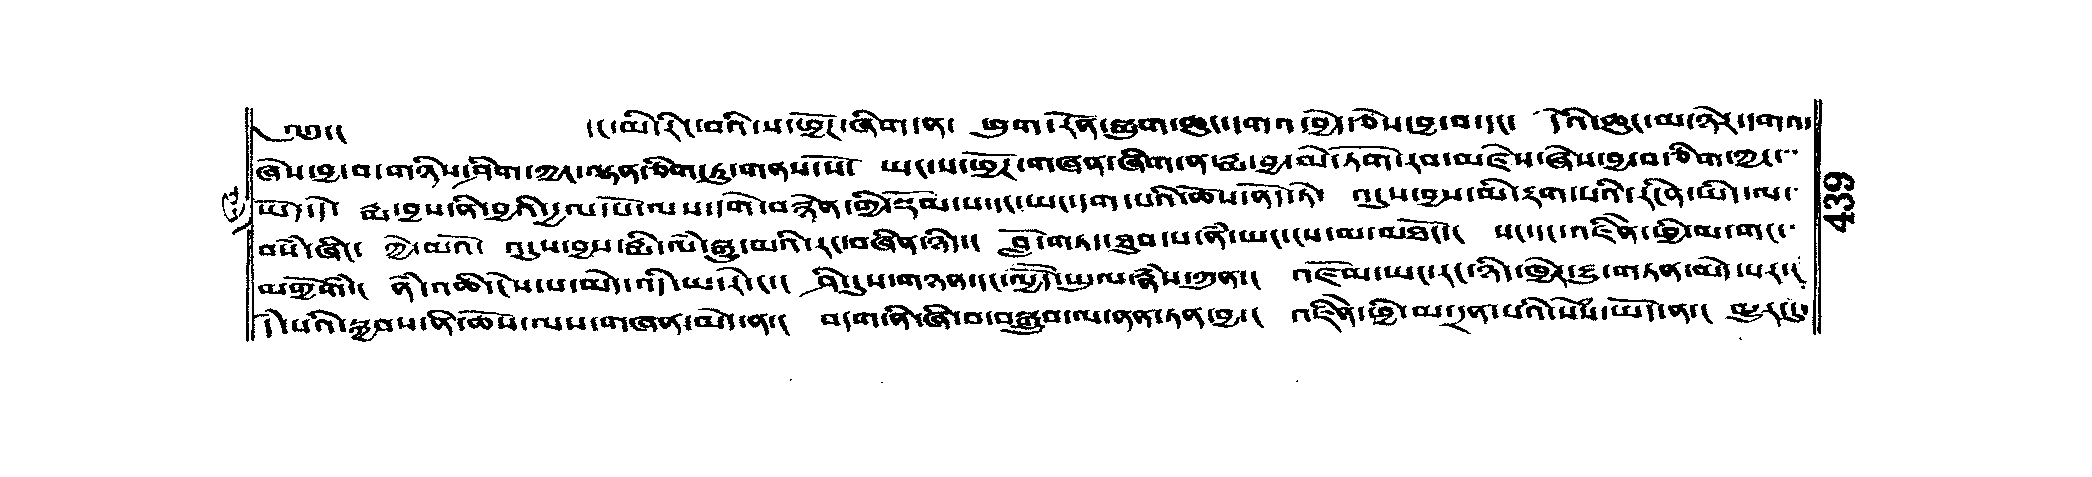དང་མི་རིང་བའི་ས་ཕྱོགས་ཞིག་ན། ཕུག་རོན་སྨུག་ཆུང་དགའ་བྱེད་ཅེས་བྱ་བ་དང་། དེའི་ཆུང་མ་ཉེར་དགའ་
ཞེས་བྱ་བ་གཉིས་ཤིག་ཀྱང་ལྷན་ཅིག་ཏུ་གནས་སོ། ཡང་ས་ཕྱོགས་གཞན་ཞིག་ན་རྨ་བྱ་མེ་ཏོག་རབ་མཛེས་ཞེས་བྱ་བ་ཞིག་ཀྱང་
ཡོད་དེ། རྨ་བྱས་ནི་བྱའི་རྒྱལ་པོ་ལས་དགེ་བསྙེན་གྱི་སྡོམ་པ་དང་ཡང་དག་པའི་ཆོས་ནོད་ཏེ། འདུས་བྱས་མི་རྟག་པའི་རང་བཞིན་ཡིད་ལ་
བསམ་ཞིང་། ཀྱེ་མའོ། འདུས་བྱས་རྨི་ལམ་སྒྱུ་མའི་རང་བཞིན་ཉིད། །བློ་གཏད་ཐུབ་པ་ནམ་ཡང་ངས་མ་མཐོང་། །སང་དང་འཇིག་རྟེན་ཕྱི་མ་གང་
མགྱོགས་སམ། །ནམ་འཆི་ངེས་པ་མེད་འདི་ཡ་རེ་ང་། །ཤི་དུས་གཉེན་དང་ལོངས་སྤྱོད་ཡུལ་རྣམས་ཀུན། །འཛོམ་ཡང་རང་ཉིད་ཁྱེར་རྒྱུ་གཏན་མེད་པར། །
དམ་པའི་སྐྱབས་ནི་ཆོས་ལས་གཞན་མེད་ན། །བདག་ནི་ཞི་བ་བསྒྲུབ་ལ་ནན་ཏན་བྱ། །འཇིག་རྟེན་ཕྱི་མ་དྲན་པའི་སེམས་ཡོད་ན། །མྱུར་དུ་